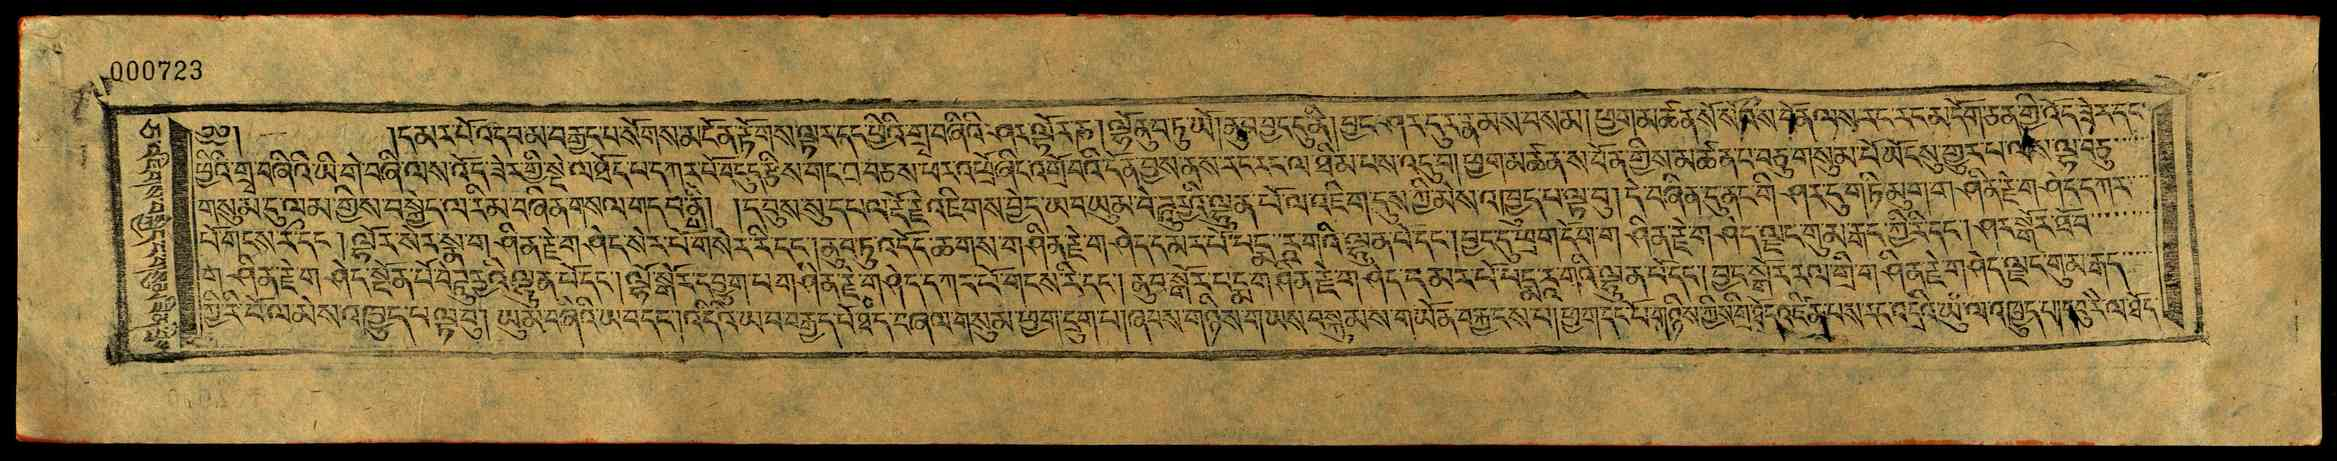༄༅། །དམར་པོ་འདབ་མ་བརྒྱད་པ་སོགས་མངོན་རྟོགས་ལྟར་དང་ཕྱིའི་གྲ་བཞིའི་ཤར་ལྷོར་ཎ། ལྷོ་ནུབ་ཏུ་ཡོ། ནུབ་བྱང་དུ་ནི། བྱང་ཤར་དུ་ར་རྣམས་བསམ། ཕྱག་མཚན་སོ་སོའི་ས་བོན་ལས་རང་རང་མདོག་ཅན་གྱི་འོད་ཟེར་དང་
ཕྱིའི་གྲྭ་བཞིའི་ཡི་གེ་བཞི་ལས་འོད་ཟེར་གྱི་སྣེ་ལ་ཐོད་པ་དཀར་པོ་བདུད་རྩིས་གང་བ་བཅས་པར་འཕྲོ་ཞིང་འགྲོ་བའི་དོན་བྱས་ནས་རང་རང་ལ་ཐིམ་པས་འདུ་བ། ཕྱག་མཚན་ས་བོན་གྱིས་མཚན་པ་བཅུ་གསུམ་པོ་ཡོངས་སུ་གྱུར་པ་ལས་ལྷ་བཅུ་
གསུམ་དུ་ལམ་གྱིས་བསྐྱེད་ལ་རིམ་བཞིན་གསལ་གདབ་པ་ནི། དབུས་སུ་དཔལ་རྡོ་རྗེ་འཇིགས་བྱེད་ཡབ་ཡུམ་བཻཌཱུརྱའི་ལྷུན་པོ་ལ་འཇིག་དུས་ཀྱི་མེས་འཁྱུད་པ་ལྟ་བུ། དེ་བཞིན་དུ་ནང་གི་ཤར་དུ་གཏི་མུག་གཤིན་རྗེ་གཤེད་དཀར་
པོ་གངས་རི་དང་། ལྷོར་སེར་སྣ་གཤིན་རྗེ་གཤེད་སེར་པོ་གསེར་རི་དང་། ནུབ་ཏུ་འདོད་ཆགས་གཤིན་རྗེ་གཤེད་དམར་པོ་པདམ་རཱ་གའི་ལྷུན་པོ་དང་། བྱང་དུ་ཕྲག་དོག་གཤིན་རྗེ་གཤེད་ལྗང་གུ་མ་རྒད་ཀྱི་རི་དང་། ཤར་སྒོར་ཐོ་བ་
གཤིན་རྗེ་གཤེད་སྔོན་པོ་བཻཌཱུ་རྱའི་ལྷུན་པོ་དང་། ལྷོ་སྒོར་དབྱུག་པ་གཤིན་རྗེ་གཤེད་དཀར་པོ་གངས་རི་དང་། ནུབ་སྒོར་པདམ་གཤིན་རྗེ་གཤེད་དམར་པོ་པདམ་རཱ་གའི་ལྷུན་པོ་དང་། བྱང་སྒོར་རལ་གྲི་གཤིན་རྗེ་གཤེད་ལྗང་གུ་མ་རྒད་
ཀྱི་རི་བོ་ལ་མེས་འཁྱུད་པ་ལྟ་བུ། ཡུམ་བཞིའི་ཡབ་དང་། འདིའི་ཡབ་བརྒྱད་པོ་ཐམས་ཅད་ཞལ་གསུམ་ཕྱག་དྲུག་པ། ཞབས་གཉིས་གཡས་བསྐུམས་གཡོན་བརྐྱངས་པ། ཕྱག་དང་པོ་གཉིས་ཀྱིས་གྲི་ཐོད་འཛིན་པས་རང་འདྲའི་ཡུཾ་ལ་འཁྱུད་པ། དབུ་རེ་རེ་ལ་ཐོད་